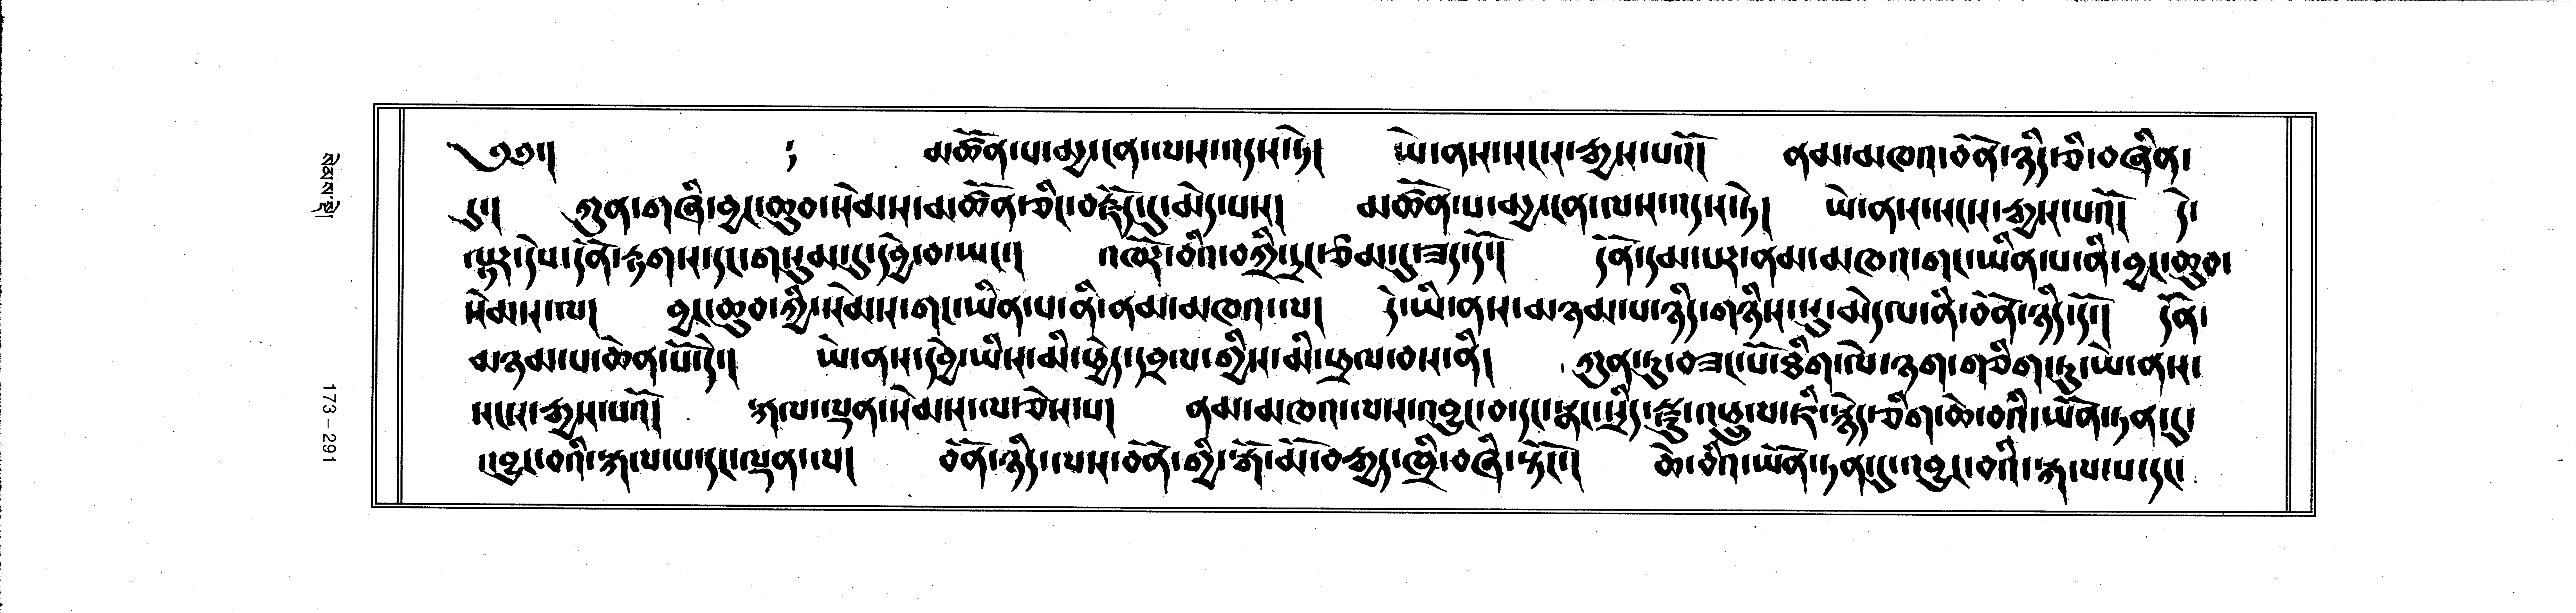མཚོན་པ་མྱ་ངན་ལས་འདས་ཏེ། ཡེ་ནས་སངས་རྒྱས་པའོ། །ནམ་མཁའ་བོན་ཉིད་ཅི་བཞིན་
དུ། ཀུན་གཞི་བྱང་ཆུབ་སེམས་མཚོན་ཅིང་བརྗོད་དུ་མེད་པས། མཚོན་པ་མྱ་ངན་ལས་འདས་ཏེ། ཡེ་ནས་སངས་རྒྱས་པའོ། །དེ་
ལྟར་དཔེ་དོན་རྟགས་དང་གསུམ་དུ་དབྱེ་བ་ཡང་། འཁོར་བའི་བཀྲི་དྲང་ཙམ་དུ་ཟད་དོ། །དོན་དམ་པར་ནམ་མཁའ་གང་ཡིན་པ་ནི་བྱང་ཆུབ་
སེམས་ལ། བྱང་ཆུབ་ཀྱི་སེམས་གང་ཡིན་པ་ནི་ནམ་མཁའ་ལ། དེ་ཡི་ནས་མཉམ་པ་ཉིད་གཉིས་སུ་མེད་པ་ནི་བོན་ཉིད་དོ། །དོན་
མཉམ་པ་ཆེན་པོ་དེ། ཡེ་ནས་དབྱེ་ཡིས་མི་ཕྱེད་དབྲལ་གྱིས་མི་ཕྲལ་བས་ནི། ཀུན་ཏུ་བཟང་པོ་ཐིག་ལེ་ཉག་གཅིག་ཏུ་ཡེ་ནས་
སངས་རྒྱས་པའོ། །སྐལ་ལྡན་སེམས་ལ་ཅེས་པ། ནམ་མཁའ་ལས་འབྱུང་བ་དང་སྣང་སྲིད་རྫུ་འཕྲུལ་ཅི་སྙེད་ཅིག་ཆེ་བའི་ཡོན་ཏན་
འབྱུང་བའི་སྐལ་པ་དང་ལྡན་ལ། བོན་ཉིད་ལས་བོན་གྱི་སྒོ་མོ་བརྒྱད་ཁྲི་བཞི་སྟོང་། ཆེ་བའི་ཡོན་ཏན་དུ་འབྱུང་བའི་སྐལ་པ་དང་